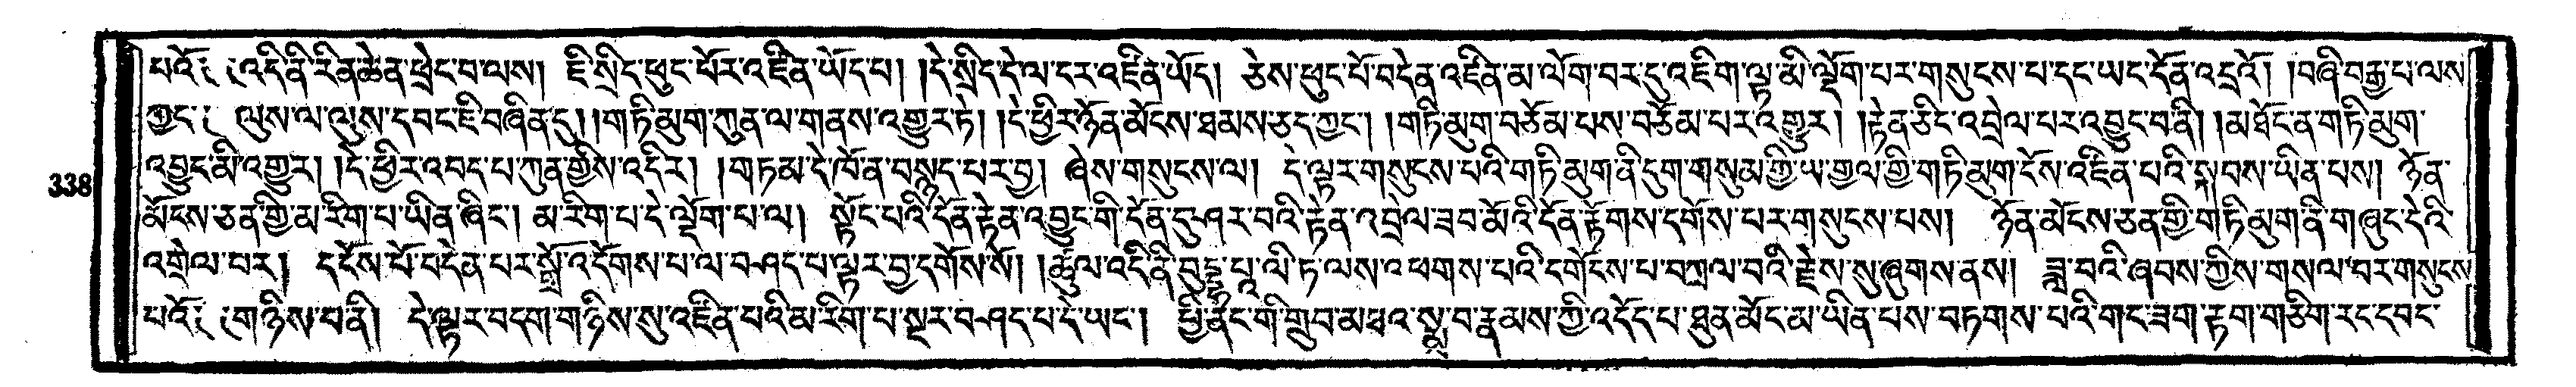པའོ༑ ༑འདི་ནི་རིན་ཆེན་ཕྲེང་བ་ལས། ཇི་སྲིད་ཕུང་པོར་འཛིན་ཡོད་པ། །དེ་སྲིད་དེ་ལ་ངར་འཛིན་ཡོད། ཅེས་ཕུང་པོ་བདེན་འཛིན་མ་ལོག་བར་དུ་འཇིག་ལྟ་མི་ལྡོག་པར་གསུངས་པ་དང་ཡང་དོན་འདྲའོ། །བཞི་བརྒྱ་པ་ལས་
ཀྱང༑ ལུས་ལ་ལུས་དབང་ཇི་བཞིན་དུ། །གཏི་མུག་ཀུན་ལ་གནས་འགྱུར་ཏེ། །དེ་ཕྱིར་ཉོན་མོངས་ཐམས་ཅད་ཀྱང་། །གཏི་མུག་བཅོམ་པས་བཅོམ་པར་འགྱུར། །རྟེན་ཅིང་འབྲེལ་བར་འབྱུང་བ་ནི། །མཐོང་ན་གཏི་མུག་
འབྱུང་མི་འགྱུར། །དེ་ཕྱིར་འབད་པ་ཀུན་གྱིས་འདིར། །གཏམ་དེ་ཁོ་ན་བསྙད་པར་བྱ། ཞེས་གསུངས་ལ། དེ་ལྟར་གསུངས་པའི་གཏི་མུག་ནི་དུག་གསུམ་གྱི་ཡ་གྱལ་གྱི་གཏི་མུག་ངེས་འཛིན་པའི་སྐབས་ཡིན་པས། ཉོན་
མོངས་ཅན་གྱི་མ་རིག་པ་ཡིན་ཞིང་། མ་རིག་པ་དེ་ལྡོག་པ་ལ། སྟོང་པའི་དོན་རྟེན་འབྱུང་གི་དོན་དུ་ཤར་བའི་རྟེན་འབྲེལ་ཟབ་མོའི་དོན་རྟོགས་དགོས་པར་གསུངས་པས། ཉོན་མོངས་ཅན་གྱི་གཏི་མུག་ནི་གཞུང་དེའི་
འགྲེལ་པར། དངོས་པོ་བདེན་པར་སྒྲོ་འདོགས་པ་ལ་བཤད་པ་ལྟར་བྱ་དགོས་སོ། །ཚུལ་འདི་ནི་བུདྡྷ་པཱ་ལི་ཏ་ལས་འཕགས་པའི་དགོངས་པ་བཀྲལ་བའི་རྗེས་སུ་ཞུགས་ནས། ཟླ་བའི་ཞབས་ཀྱིས་གསལ་བར་གསུངས་
པའོ༑ ༑གཉིས་པ་ནི། དེ་ལྟར་བདག་གཉིས་སུ་འཛིན་པའི་མ་རིག་པ་སྔར་བཤད་པ་དེ་ཡང་། ཕྱི་ནང་གི་གྲུབ་མཐའ་སྨྲ་བ་རྣམས་ཀྱི་འདོད་པ་ཐུན་མོང་མ་ཡིན་པས་བཏགས་པའི་གང་ཟག་རྟག་གཅིག་རང་དབང་